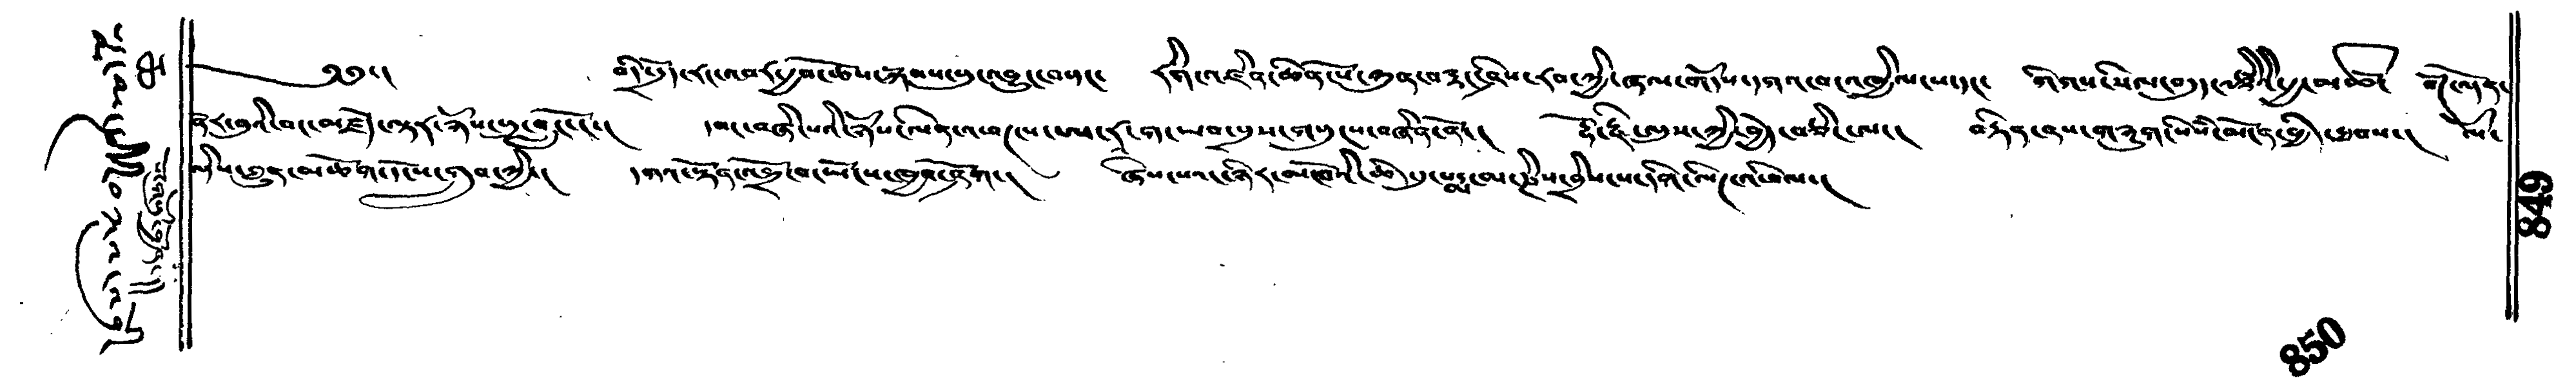བདེ་དྲོད་རང་འབར་རྒྱབ་ཆོས་སྐབས་སུ་འབྱུང་བ་དང་། རིག་འཛིན་ཆེན་པོ་ཀུན་བཟང་ཤེས་རབ་ཀྱི་ཞལ་གདམས་དགའ་བ་འཁྱིལ་པ་དང་། གེགས་སེལ་བདུད་རྩིའི་རྒྱ་མཚོ། བོགས་འདོན་
ནོར་བུའི་བང་མཛོད་ལྟར་ཉམས་སུ་བླང་ངོ་། དབང་བཞི་པའི་ཉམས་ལེན་འཕགས་པ་ཨ་རཱ་ག་ཡབ་སྲས་ཀྱི་གསུང་བཞིན་ནོ། རྡོ་རྗེ་ལུས་ཀྱི་བྱེད་བཅིང་ལ། །བརྟེན་ནས་གཉུག་སེམས་མངོན་བྱེད་ཐབས། །ལམ་
འདིས་ཐུན་མཆོག་དངོས་གྲུབ་ཀྱི། །དགའ་སྟོན་འགྲོ་བ་ཡོངས་ཁྱབ་ཤོག །ཞེས་པའང་ཉེར་མཁོའི་ཆེད་དུ་པདྨ་མ་ཎིས་བྲིས་པ་དགེ་ལེགས་འཕེལ།།